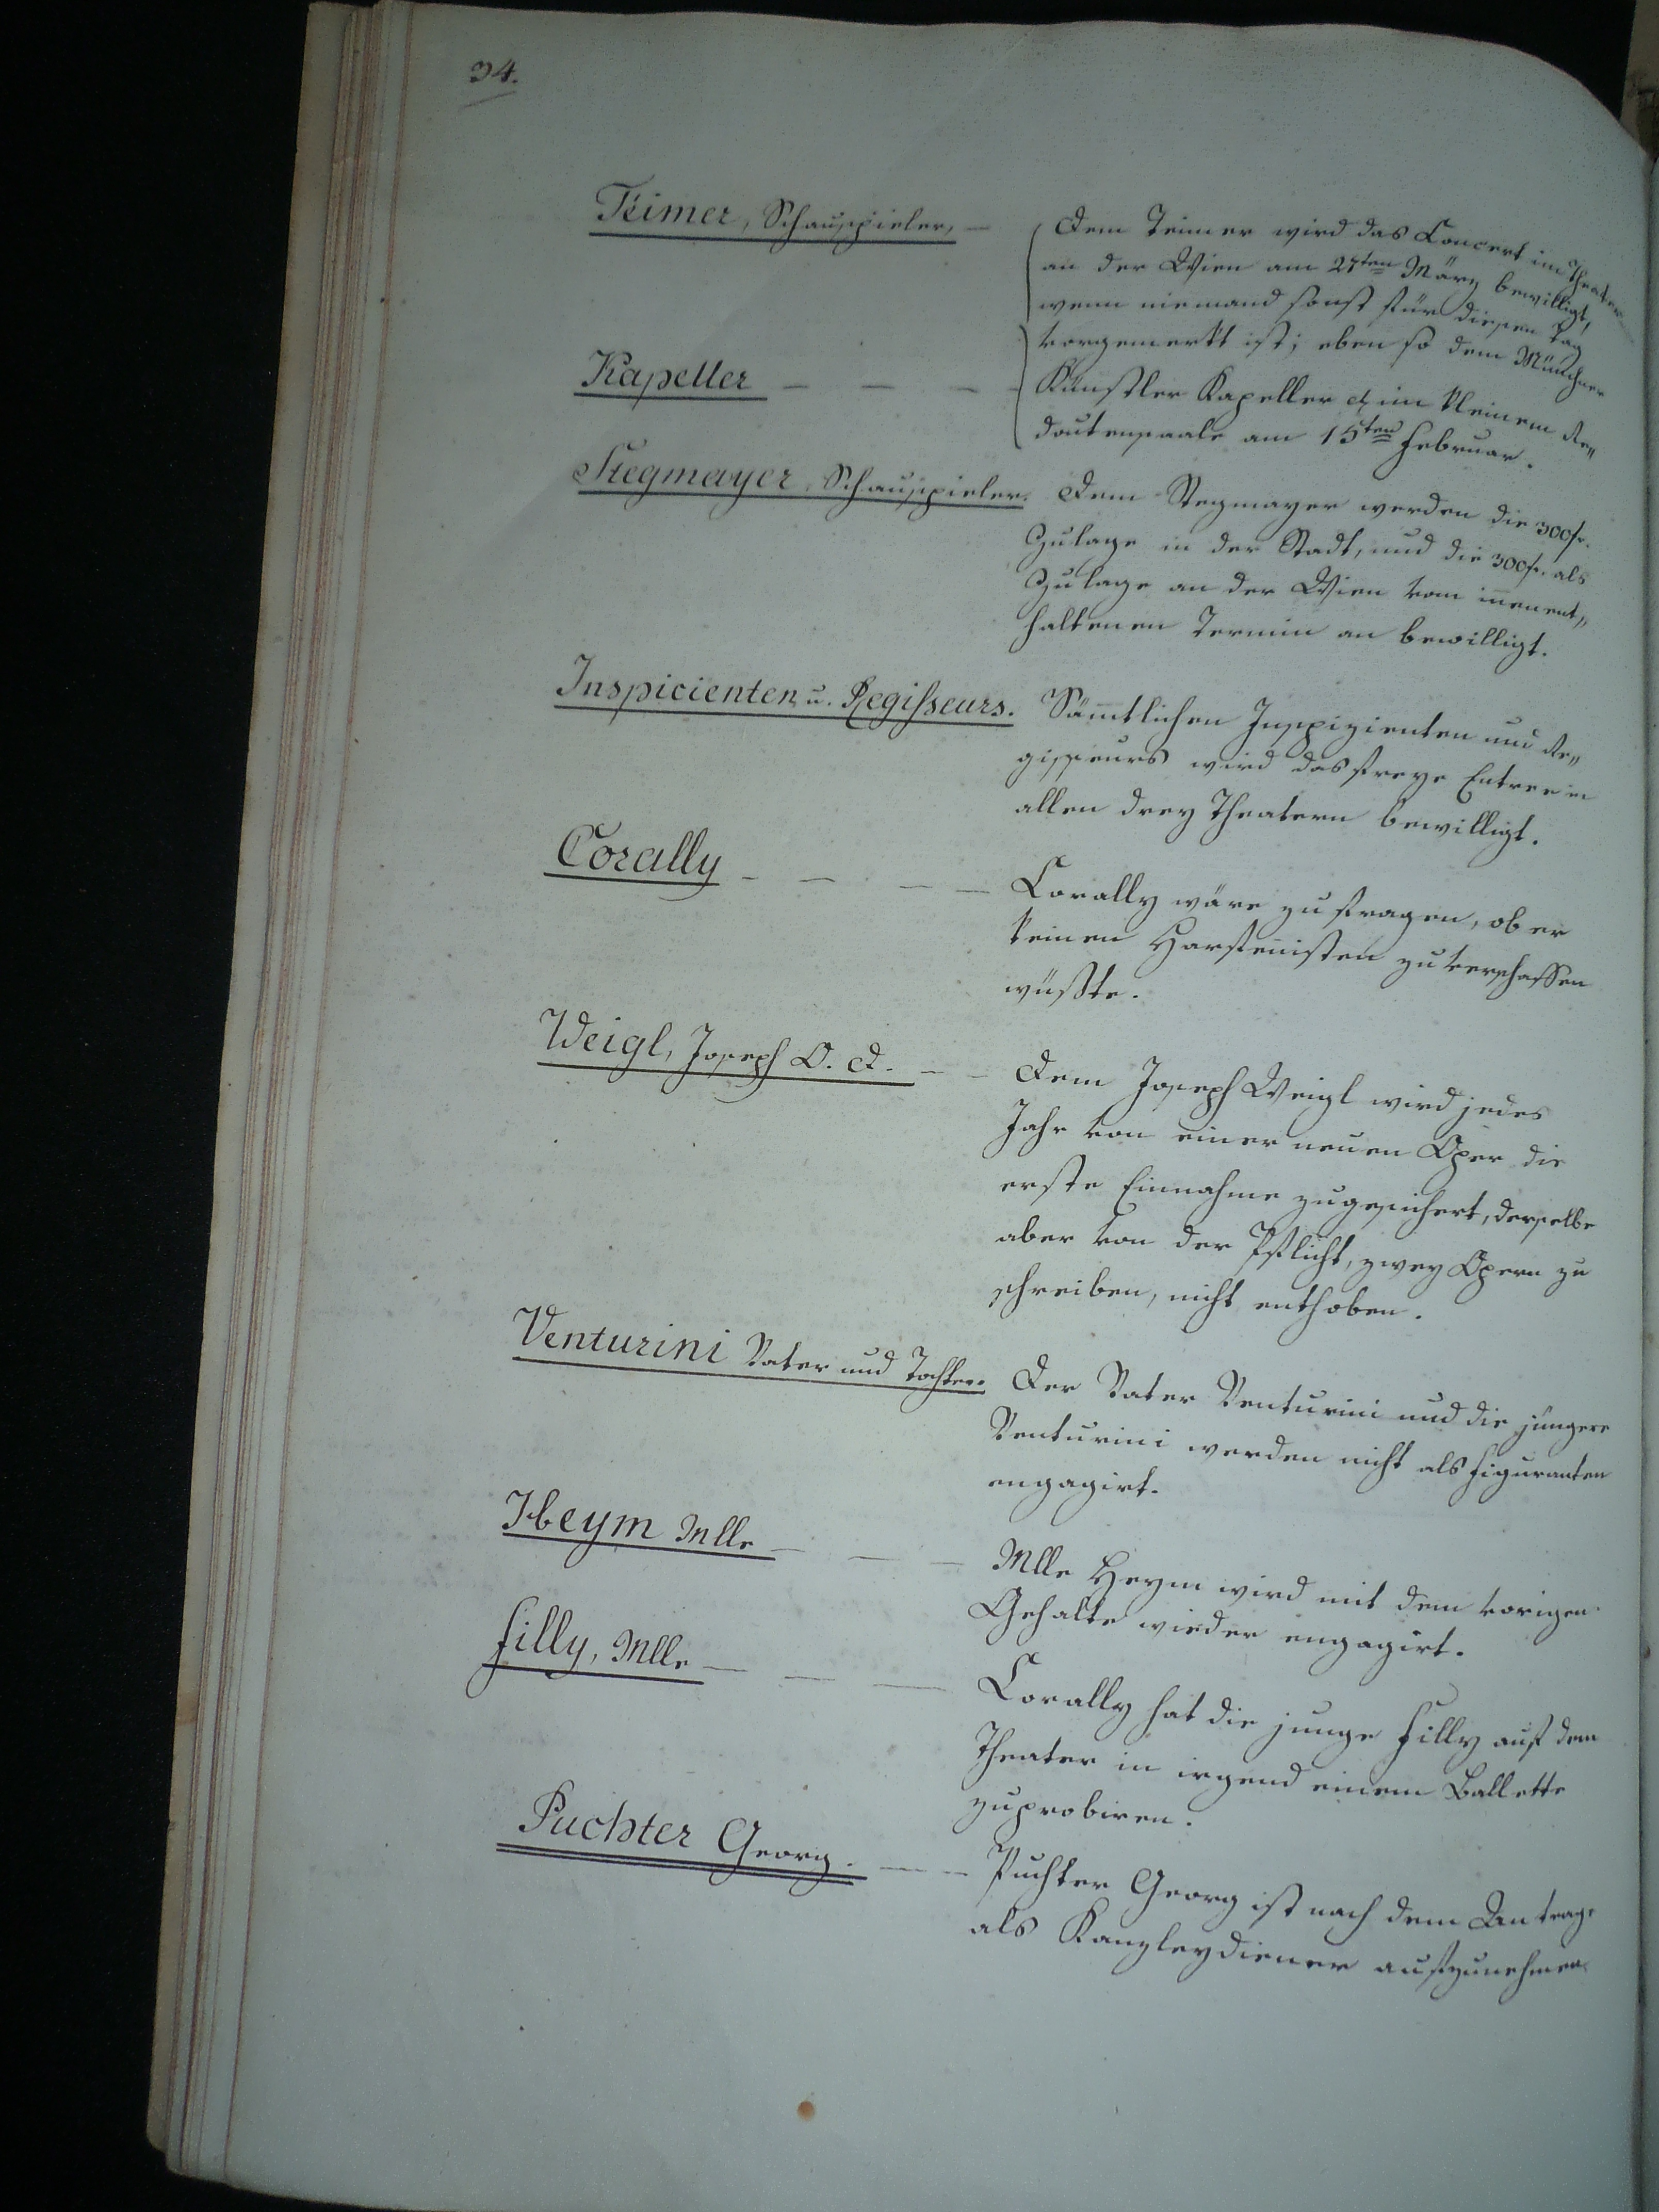34.
Téimer, Schauspieler, _
Kapeller _ _ _
Dem Teimer wird das Concert im Theater
an der Wien am 27te͇n März bewilligt,
wenn niemand sonst für diesen Tag
vorgemerkt ist; eben so dem Münchner
Künstler Kapeller etc im kleinem Re¬
doutensaale am 15te͇n Februar.
Stegmayer, Schauspieler. Dem Stegmayer werden die 300fr.
Zulage in der Stadt, und die 300fr. als
Zulage an der Wien vom in̅enent¬
haltenen Termin an bewilligt.
Inspicienten u. Regisseurs. Sämtliche Inspicienten und Re¬
gisseurs wird das freye Entree in
allen drey Theatern bewilligt.
Corally _ _ _ _ Corally wäre zu fragen, ob er
keinen Harfinisten zuverschaffen
wüßte.
Weigl, Joseph O.D. _ _ Dem Joseph Weigl wird jedes
Jahr von einer neuen Oper die
erste Einnahme zugesichert, derselbe
aber von der Pflicht, zwey Opern zu
schreiben, nicht enthoben.
Venturini Vater und Tochter. Der Vater Venturini und die jüngere
Venturini werden nicht als Figuranten
engagirt.
Heym Mlle _ _ _ Mlle Heym wird mit dem vorigen
Gehalte wieder engagirt.
Filly, Mlle _ _ _ Corally hat die junge Filly auf dem
Theater in irgend einem Ballette
zuprobiren.
P̳u̳c̳h̳t̳e̳r̳ ̳G̳e̳o̳r̳g̳.̳ __ _ Puchter Georg ist nach dem Antrage
als Kanzleydiener aufzunehmen